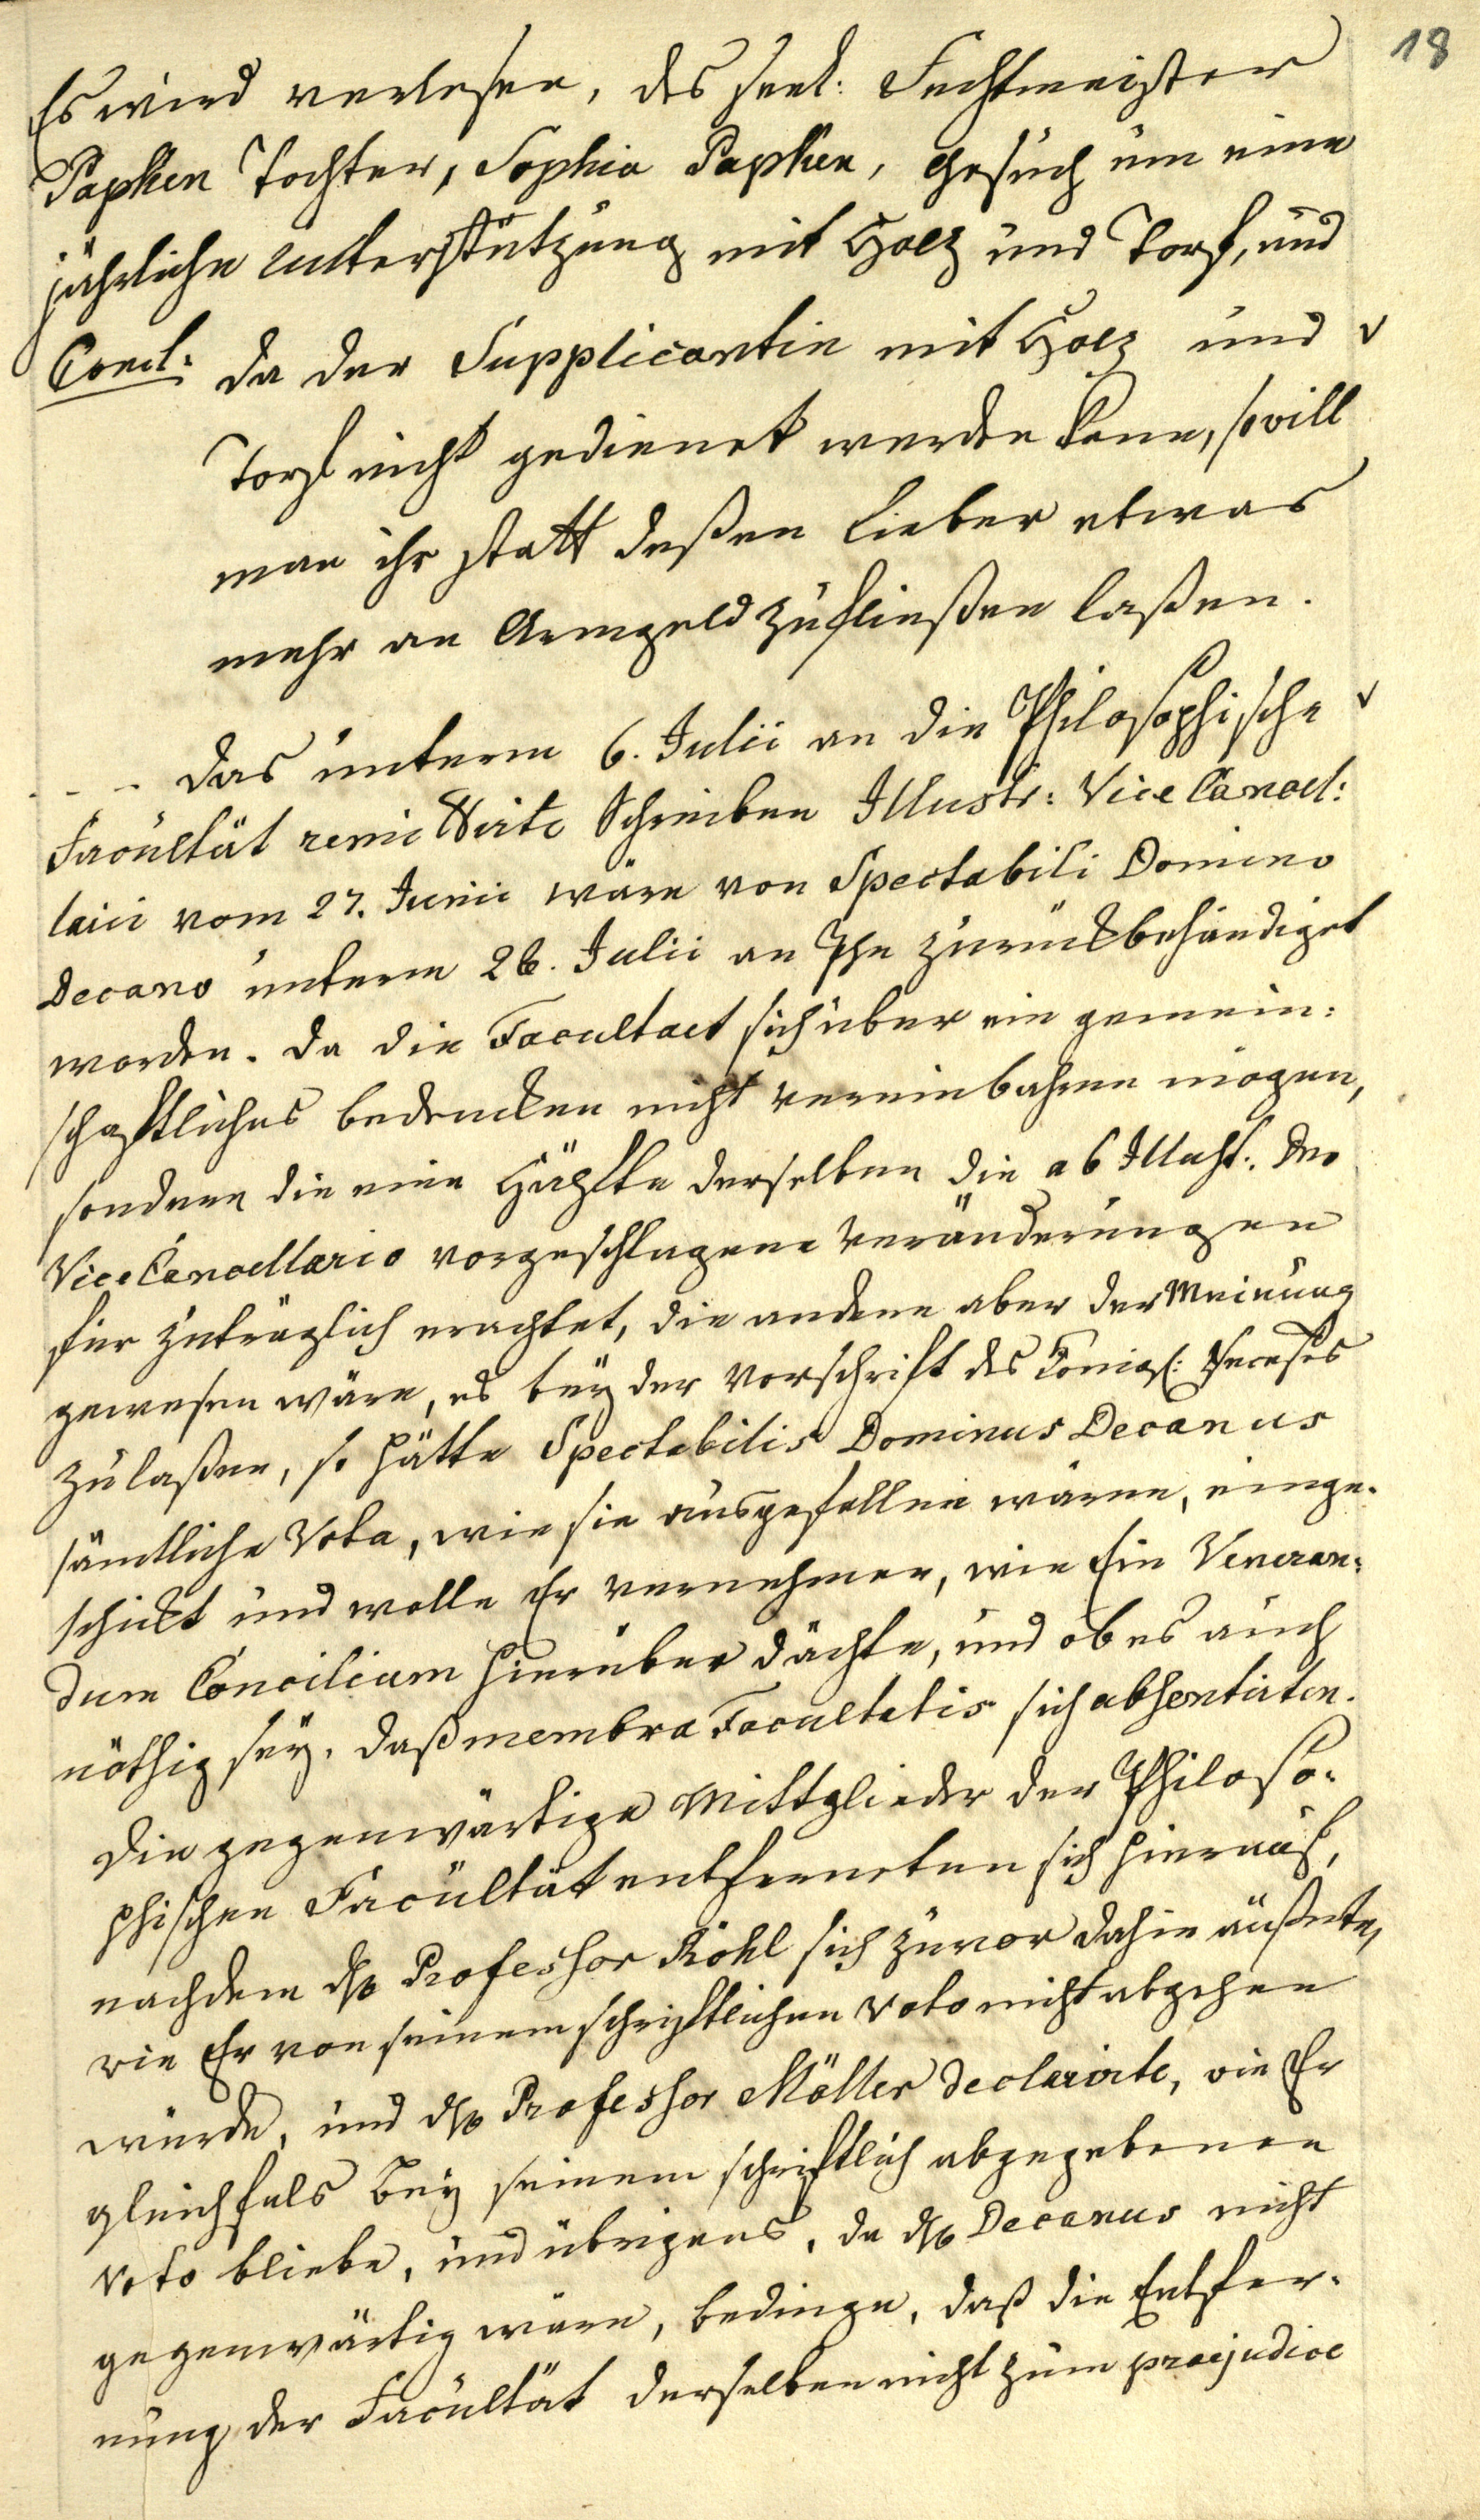Es wird verlesen, des seel. Fechtmeister
Papken Tochter, Sophia Papken, Gesuch um eine
jährliche Unterstützung mit Holz und Torf, und
Concl. da der Supplicantin mit Holz und
Torf nicht gedienet werden kann, soll
man ihr statt deßen lieber etwas
mehr an Armgeld zufließen laßen.
Das unterm 6. Julii an die Philosophische
Facultät remittirte Schreiben Illustr. Vice Cancel¬
larii vom 27. Junii wäre von Spectabili Domino
Decano unterm 26. Julii an Ihn zurückbehändiget
worden. Da die Facultaet sich über ein gemein¬
schaftliches Bedencken nicht vereinbahren mögen,
sondern die eine Hälfte derselben die a 6 Illust. Pflicht. Dno
Vice Cancellario vorgeschlagene Veränderungen
für zuträglich erachtet, die andern aber der Meinung
gewesen wäre, es beÿ der Vorschrift des Königl Receßes
zu laßen, so hätte Spectabilis Dominus Decanus
sämtliche Vota, wie sie ausgefallen wären, einige¬
schickt und wolle Er vernehmen, wie Ein Venerand¬
dum Concilium hierüber dächte, und ob es auch
nöthig seÿ, daß membra Facultatis sich absentirten.
Die gegenwärtige Mittglieder der Philoso¬
phischen Facultät entferneten sich hierauf,
nachdem dh Professor Röhl sich zuvor dahin äußerte,
wie Er von seinem schriftlichen voto nicht abgehen
würde, und dh Professor Möller declarirte, wie Er
gleichfals beÿ seinem schriftlich abgegebenen
voto bliebe, und übrigens, da dh Decanus nicht
gegenwärtig wäre, bedinge, daß die Entfer¬
nung der Facultät derselben nicht zum praejudice